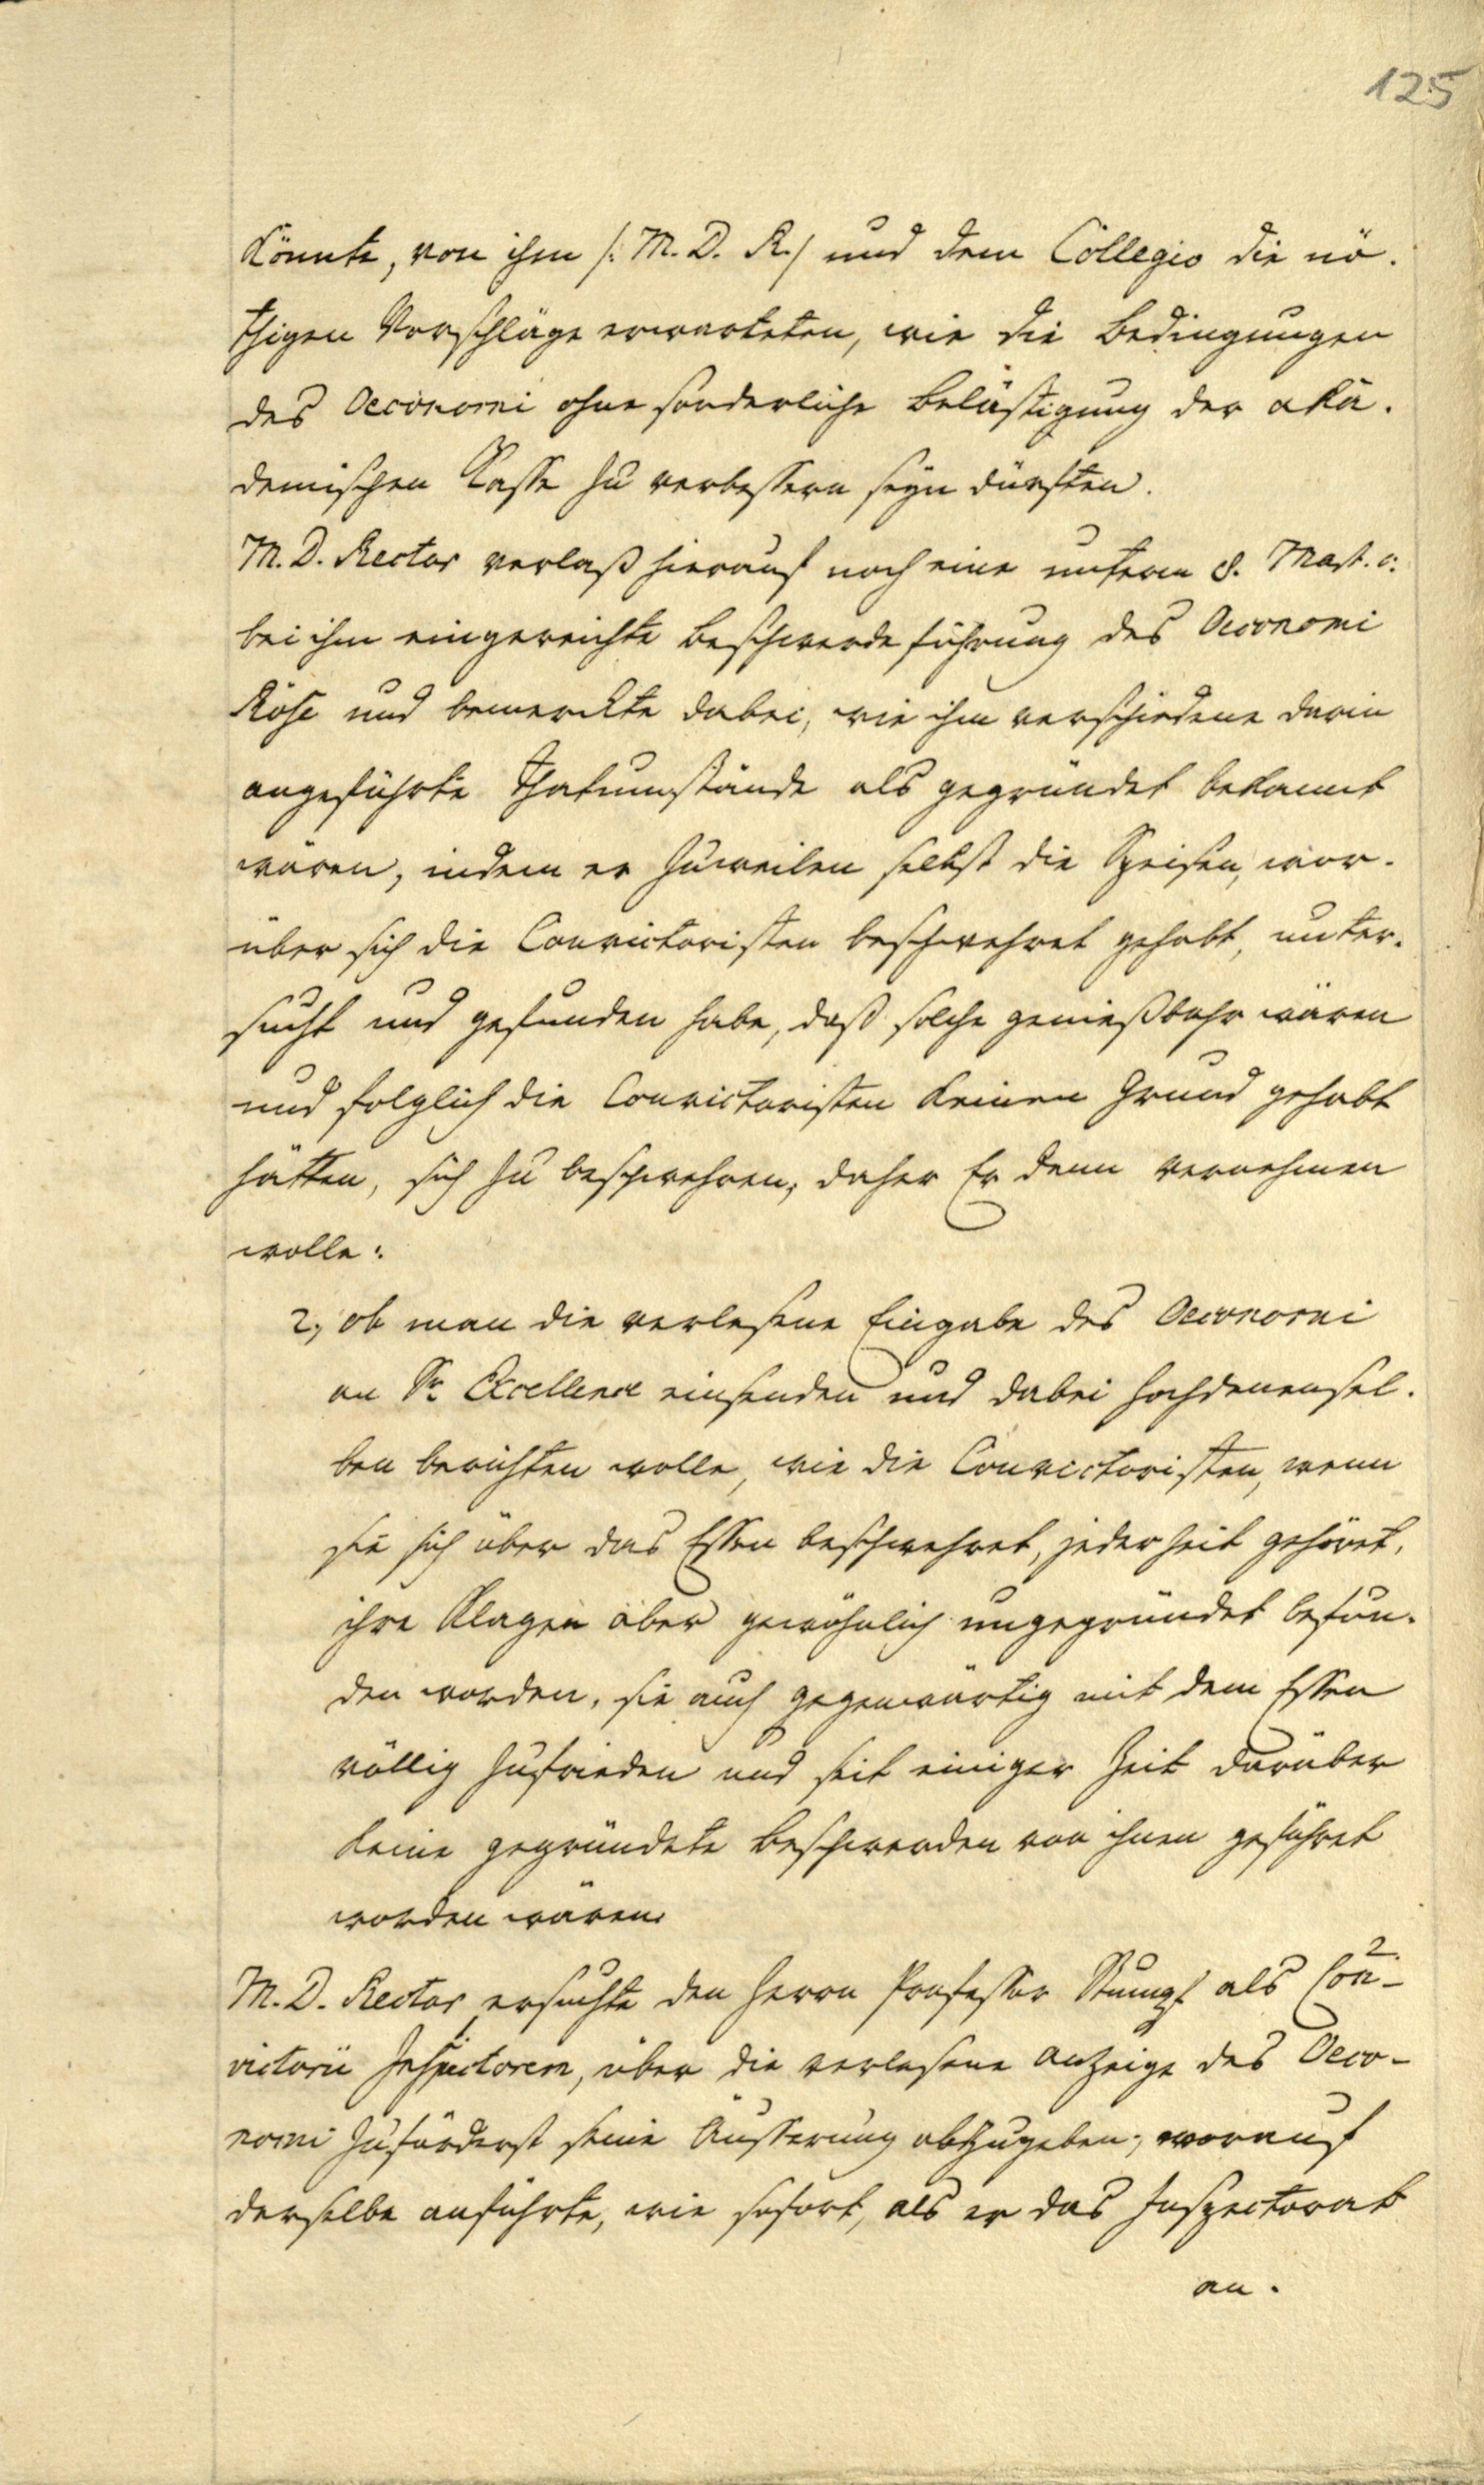könnte, von ihm /. M. D. R./ und dem Collegio die nö¬
thigen Vorschläge erwarteten, wie die Bedingungen
der Oeconomi ohne sonderliche Belästigung der aka¬
demischen Kasse zu verbessern seÿn dürften.
M. D. Rector verlaß hierauf noch eine unterm 8. Mart. c.
bei ihm eingereichte Beschwerde führung des Oeconomi
Röse und bemerckte dabei, wie ihm verschiedene darin
angeführte Thatumstände als gegründet bekannt
wären, indem er zuweilen selbst die Speisen wor¬
über sich die Convictoristen beschwehret gehabt, unter¬
suchte und gefunden habe, daß solche geniesbahr wären
und folglich die Convictoristen keinen Grund gehabt
hätten, sich zu beschwehren, daher Er denn vernehmen
wolle:
2., ob man die verlesene Eingabe des Oeconomi
an Sr Excellence einsenden und dabei Hochdenensel¬
ben berichten wolle, wie die Convictoristen, wenn
sie sich über das Essen beschwehret, jeder Zeit gehöret
ihre Klagen aber gewöhnlich ungegründet befun-
den worden, sie auch gegenwärtig mit dem Essen
völlig zufrieden und seit einer Zeit darüber
keine gegründete Beschwerden von ihnen geführet
worden wären.
M. D. Rector ersuchte den Herrn Professor Stumpf als Con¬
victorii Inspectorem, über die verlesene Anzeige des Oeco¬
nomi zuförderst seine Äusserung abzugeben, worauf
derselbe anführte, wie sofort, als er das Inspectorat
an